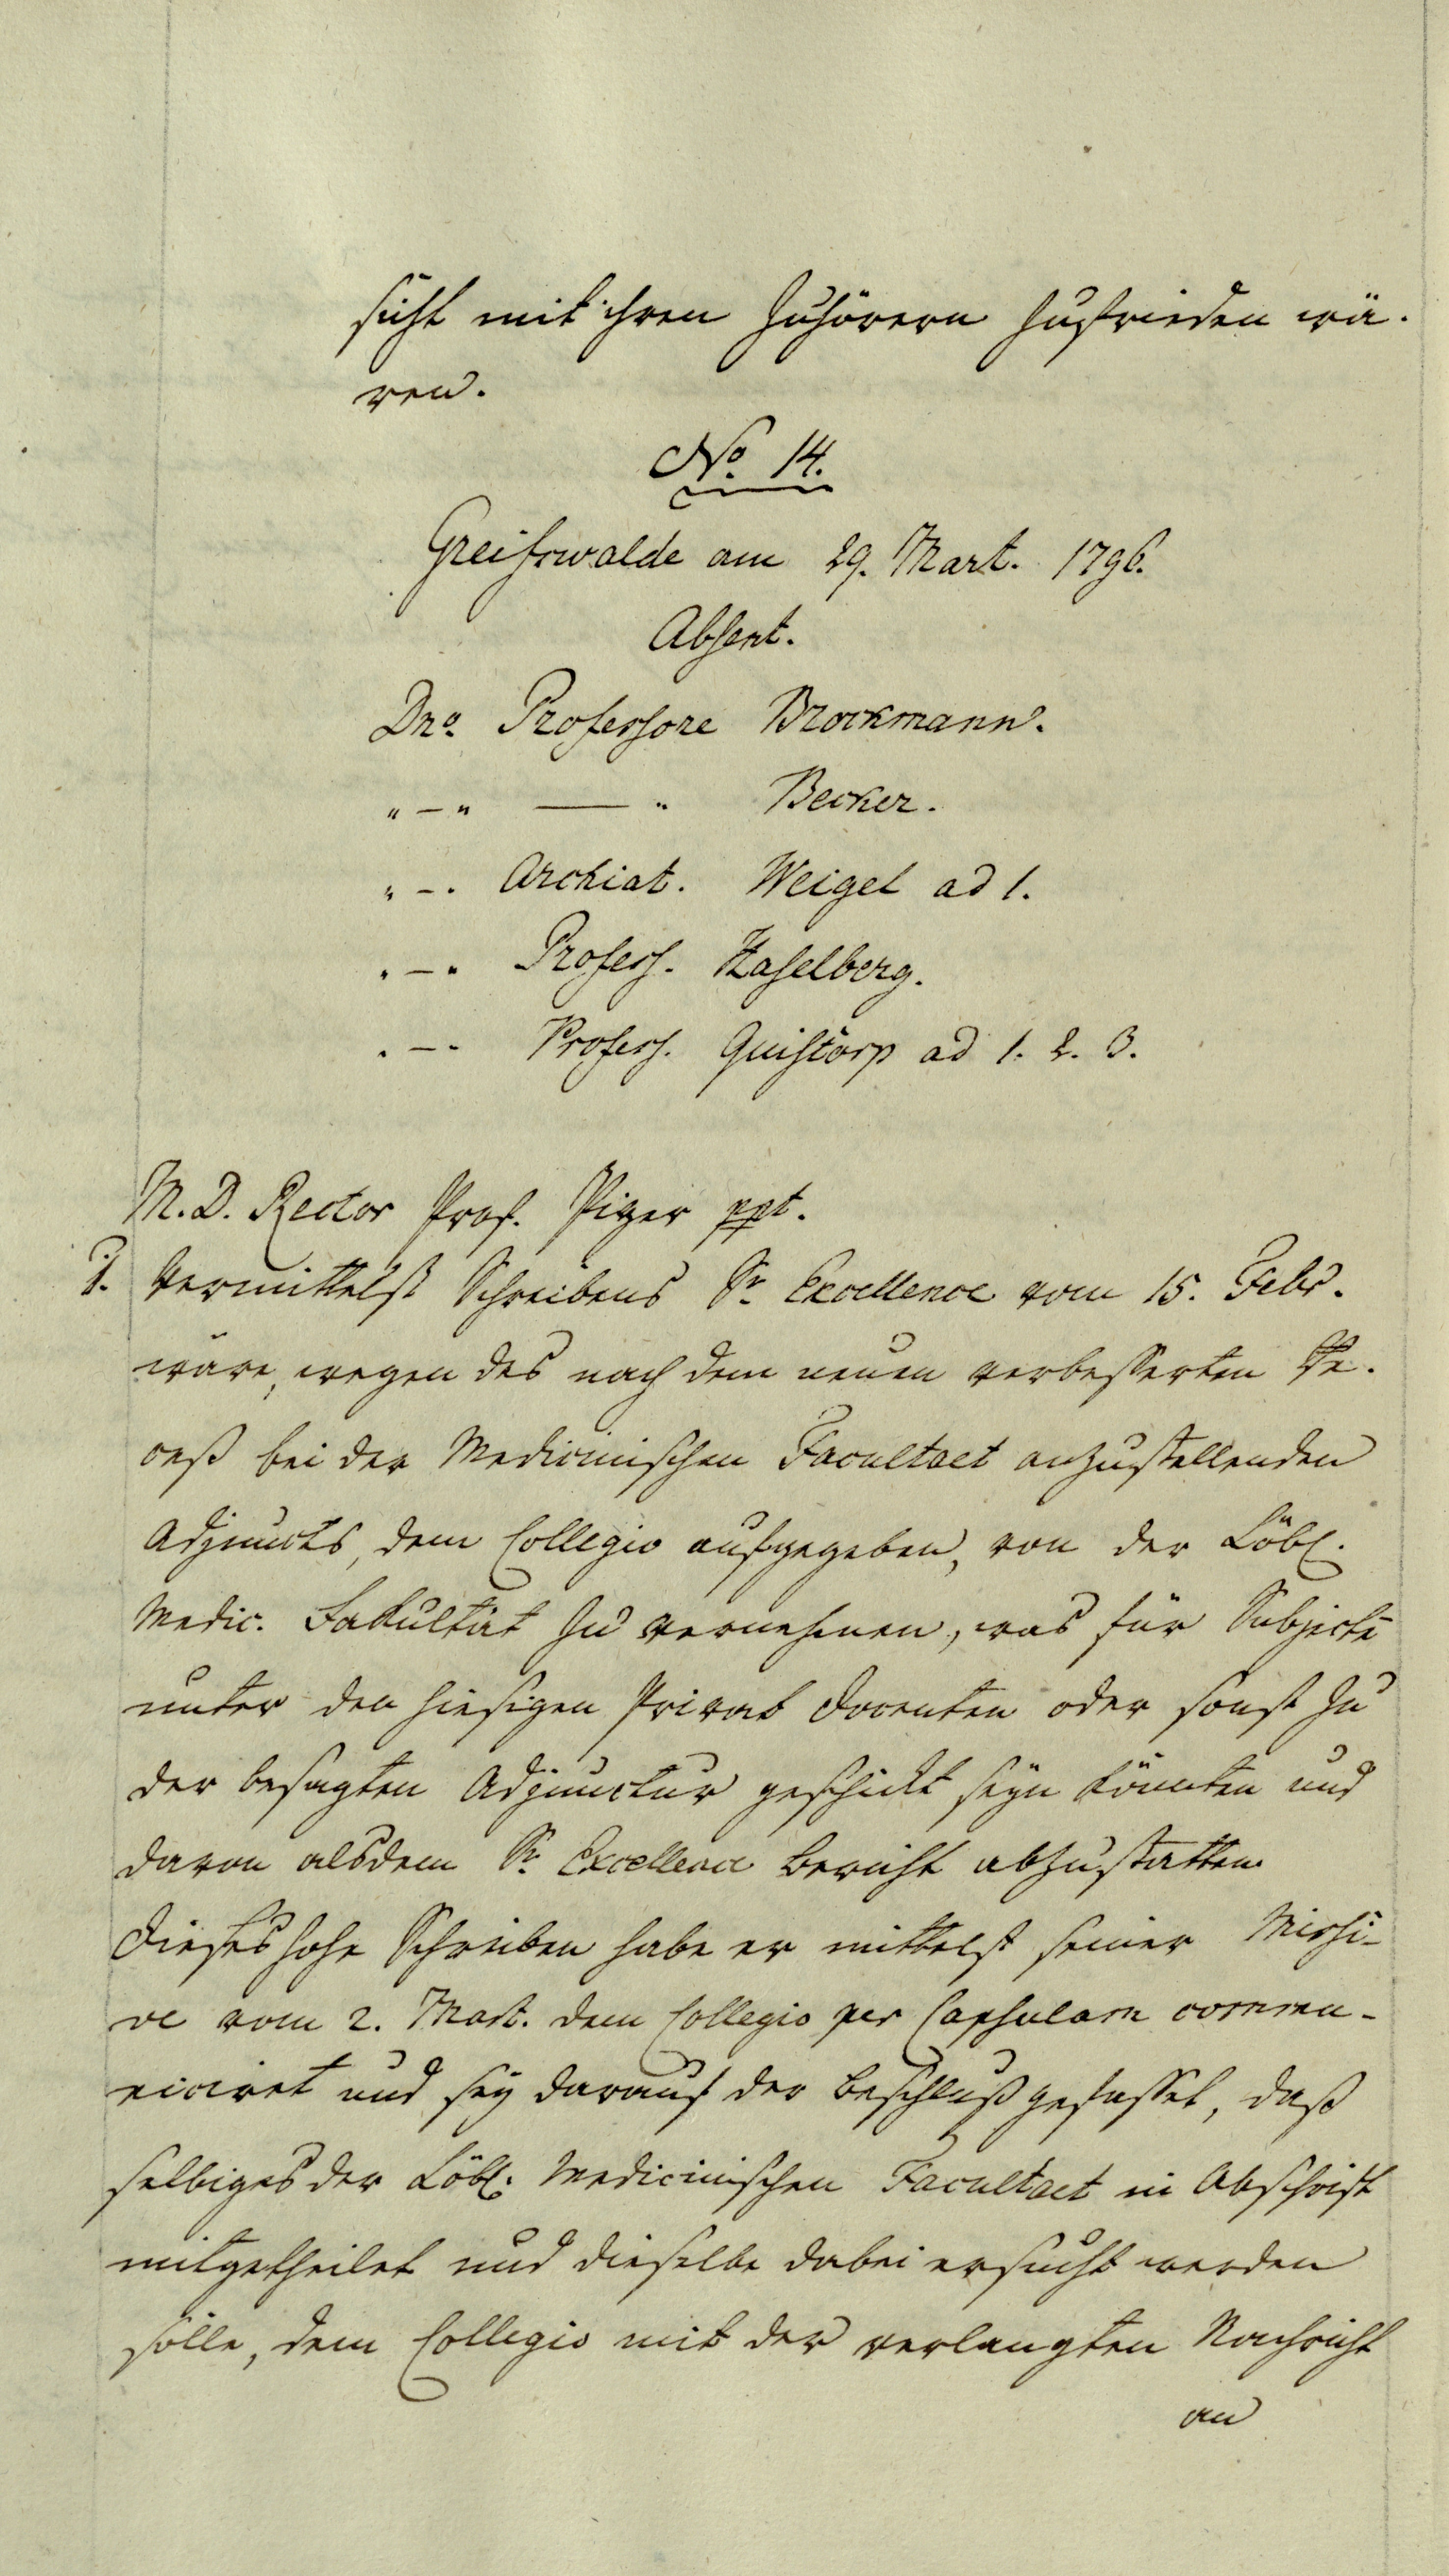sich mit ihren Zuhörern zufrieden wä¬
ren.
No 14.
Greifswalde am 29. Mart. 1796.
Absent.
Dno Professore Brockmann.
Becker.
Archiat. Weigel ad 1.
Profess. Haselberg.
Profess. Quistorp ad 1. 2. 3.
M. D. Rector Prof. Piper ppt.
1. Vermittelst Schreibens Sr Excellence vom 15. Febr.
wäre, wegen des nach dem neuen verbesserten Re¬
ceß bei der Medicinischen Facultaet anzustellenden
Adjuncts, dem Collegio aufgegeben, von der Löbl.
Medic. Fakultät zu vernehmen, was für Subjecte
unter den hiesigen Privat Docenten oder sonst zu
der besagten Adjunctur geschickt seÿn könnten und
davon alsdenn Sr Excellence Bericht abzustatten.
Dieses hohe Schreiben habe er mittelst seiner Missi¬
ve vom 2. Mart. dem Collegio per Capsulam commu-
niciret und sey darauf der Beschluß gefasset, daß
selbiges der Löbl. Medicinischen Facultaet in Abschrift
mitgetheilet und dieselbe dabei ersucht werden
solle, dem Collegio mit der verlangten Nachricht
an